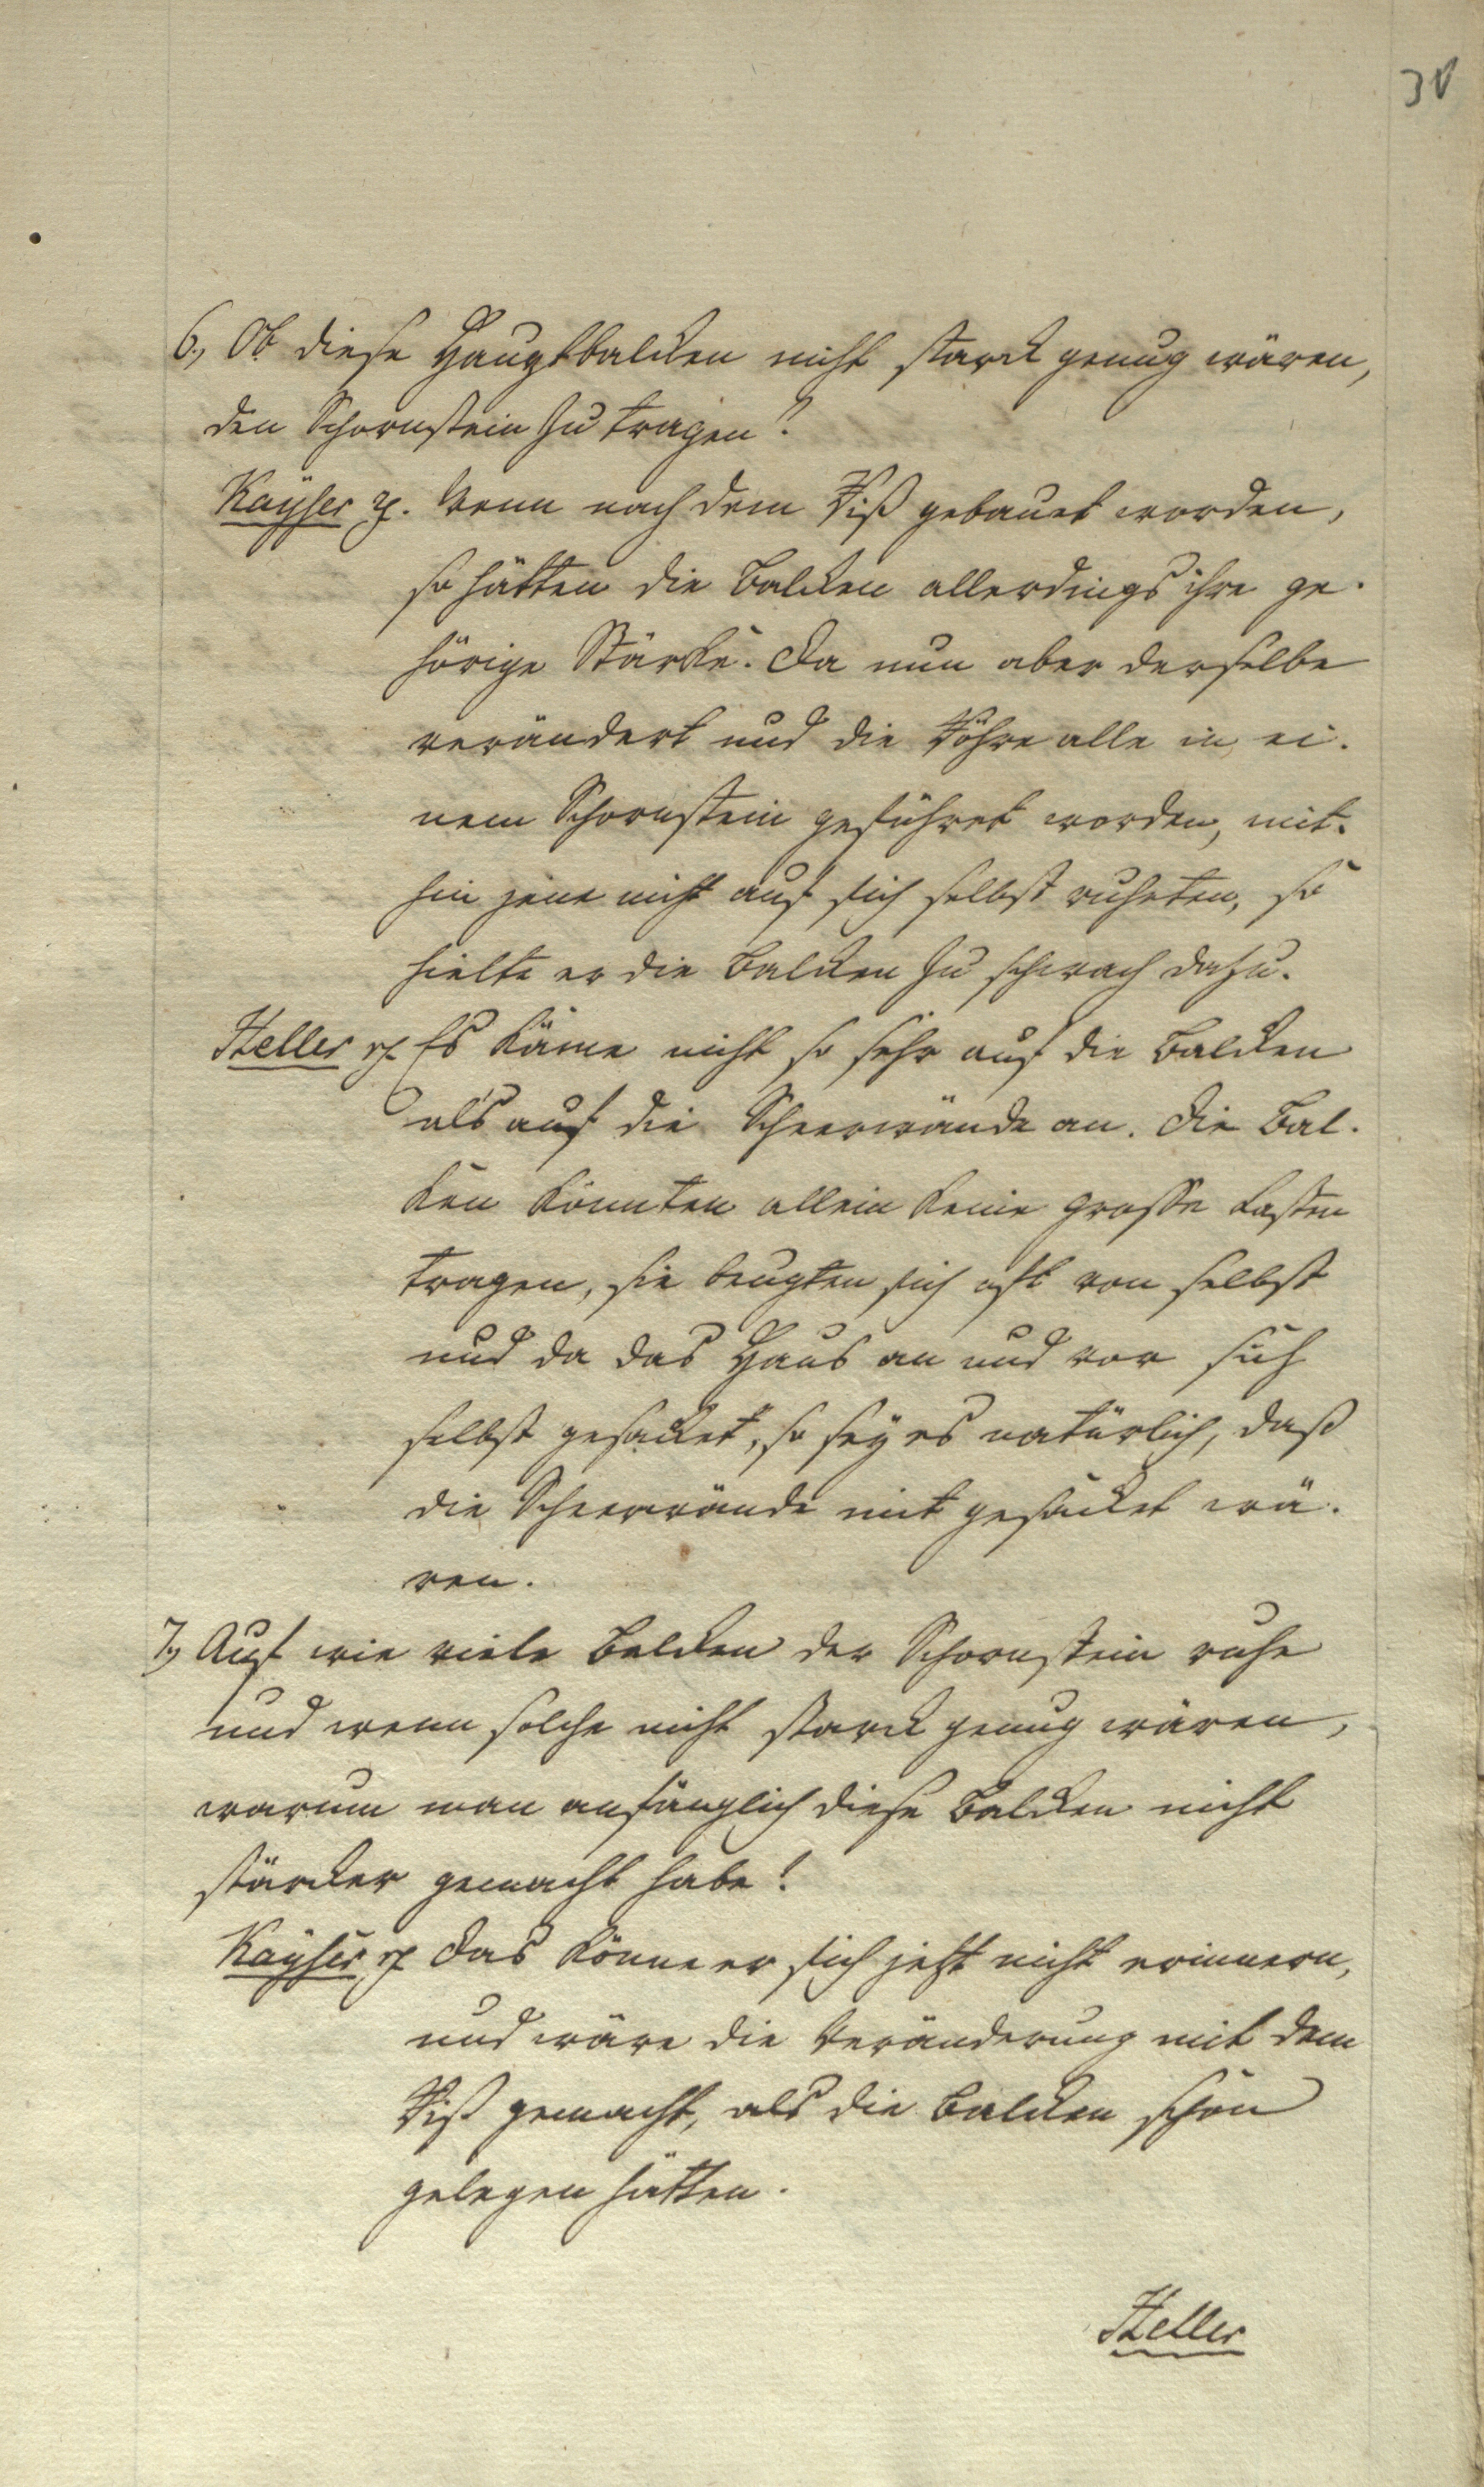6., Ob diese Hauptbalcken nicht starck genug wären,
den Schornstein zu tragen?
Kaÿser rf. Wenn nach dem Riß gebauet worden,
so hätten die Balcken allerdings ihre ge¬
verändert und die Röhre alle in ei¬
hörige Stärcke. Da nun aber derselbe
nem Schornstein geführet worden, mit¬
hin jene nicht auf sich selbst ruheten, so
hielte er die Balcken zu schwach dazu.
Heller rf. Es käme nicht so sehr auf die Balcken
als auf die Scheerwände an. Die Bal¬
ken könnten allein keine grosse Lasten
tragen, sie beugten sich oft von selbst
und da das Haus an und vor sich
selbst gesacket, so seÿ es natürlich, daß
die Scheerwände mit gesacket wä¬
ren.
7. Auf wie viele Balcken der Schornstein ruhe
und wenn solche nicht starck genug wären,
warum man anfänglich diese Balcken nicht
stärcker gemacht habe?
Kaÿser rf Das könne er sich jetzt nicht erinnern,
und wäre die Veränderung mit dem
Riß gemacht, als die Balcken schon
gelegen hätten.
Heller